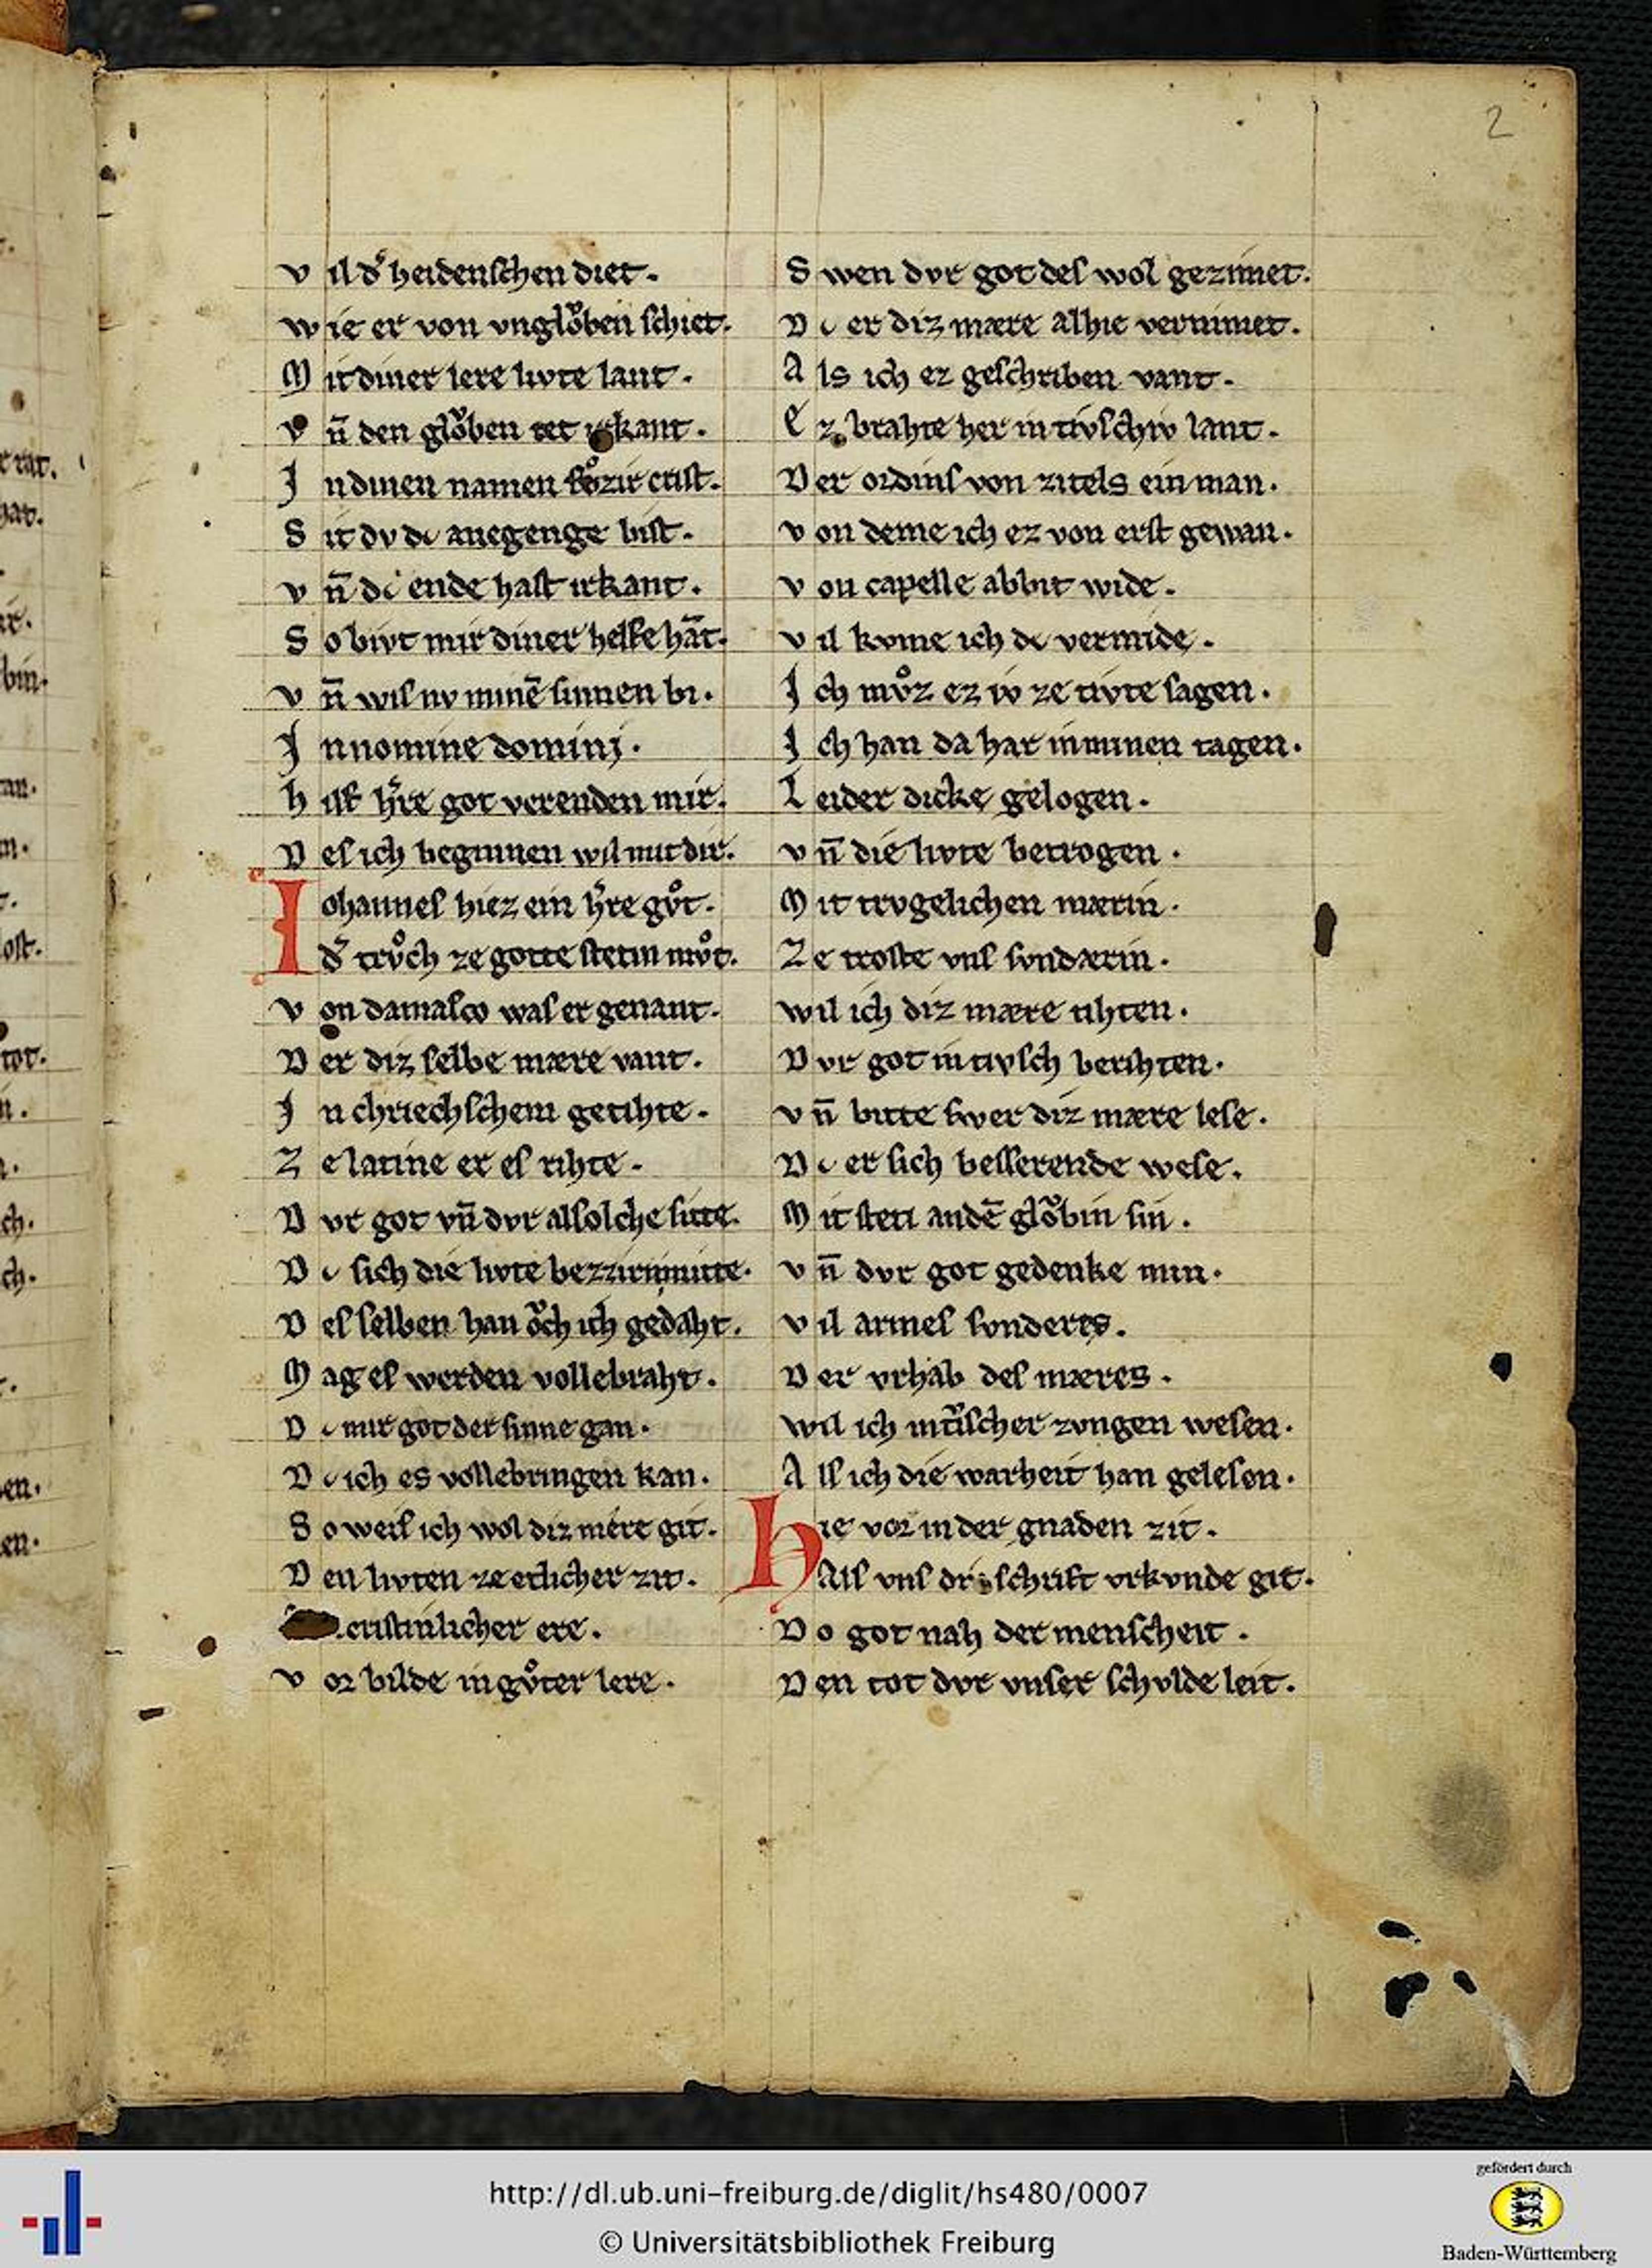Vil d(er) heidenſchen diet.
Wie er von vnglo°vben ſchiet.
Mit diner lere livte lant.
Vn(d) den glo°uben tet irkant.
In dinen namen ſv°ozir criſt.
Sit dv d(az) anegenge biſt.
Vn(d) d(az) ende haſt irkant.
So bivt mir diner helfe ha(n)t.
Vn(d) wiſ nv mine(n) ſinnen bi.
In nomine domini.
Hilf h(er)re got verenden mir.
Deſ ich beginnen wil mit dir.
**Iohanneſ hiez ein h(er)re gv°ot.
d(er) trv°och ze gotte ſtetin mv°ot.
Von damaſco waſ er genant.
Der diz ſelbe m[ae]re vant.
In chriechſchem getihte.
Ze latine er eſ rihte.
Dvr got vn(d) dvr alſolche ſitte.
D(az) ſich die livte bezzirnmitte.
Deſ ſelben han o°vch ich gedaht.
Mag eſ werden vollebraht.
D(az) mir got der ſinne gan.
D(az) ich es vollebringen kan.
So weiſ ich wol diz mere git.
Den livten ze etlicher zit.
xxx criſtinlicher ere.
Vor bilde in gv°oter lere.
Swen dvr got deſ wol gezimet.
D(az) er diz m[ae]re alhie vernimet.
Als ich ez geſchriben vant.
Ez brahte her in tivſchiv lant.
Der ordinſ von zitels ein man.
Von deme ich ez von erſt gewan.
Von capelle abbit wide.
Vil kvme ich d(az) vermide.
Ich mv°oz ez iv ze tivte ſagen.
Ich han da har in minen tagen.
Leider dicke gelogen.
Vn(d) die livte betrogen.
Mit trvgelichen m[ae]rin.
Ze troſte vnſ ſvnd[ae]rin.
Wil ich diz m[ae]re tihten.
Dvr got in tivſch berihten.
Vn(d) bitte ſwer diz m[ae]re leſe.
D(az) er ſich beſſernde weſe.
Mit ſteti ande(n) glo°vbin ſin.
Vn(d) dvr got gedenke min.
Vil armeſ ſvnderes.
Der vrhab deſ m[ae]res.
Wil ich inti°vſcher zvngen weſen.
Alſ ich die warheit han geleſen.
**Hie vor in der gnaden zit.
Alſ vnſ div ſchrift vrkvnde git.
Do got nah der menſcheit.
Den tot dvr vnſer ſchvlde leit.